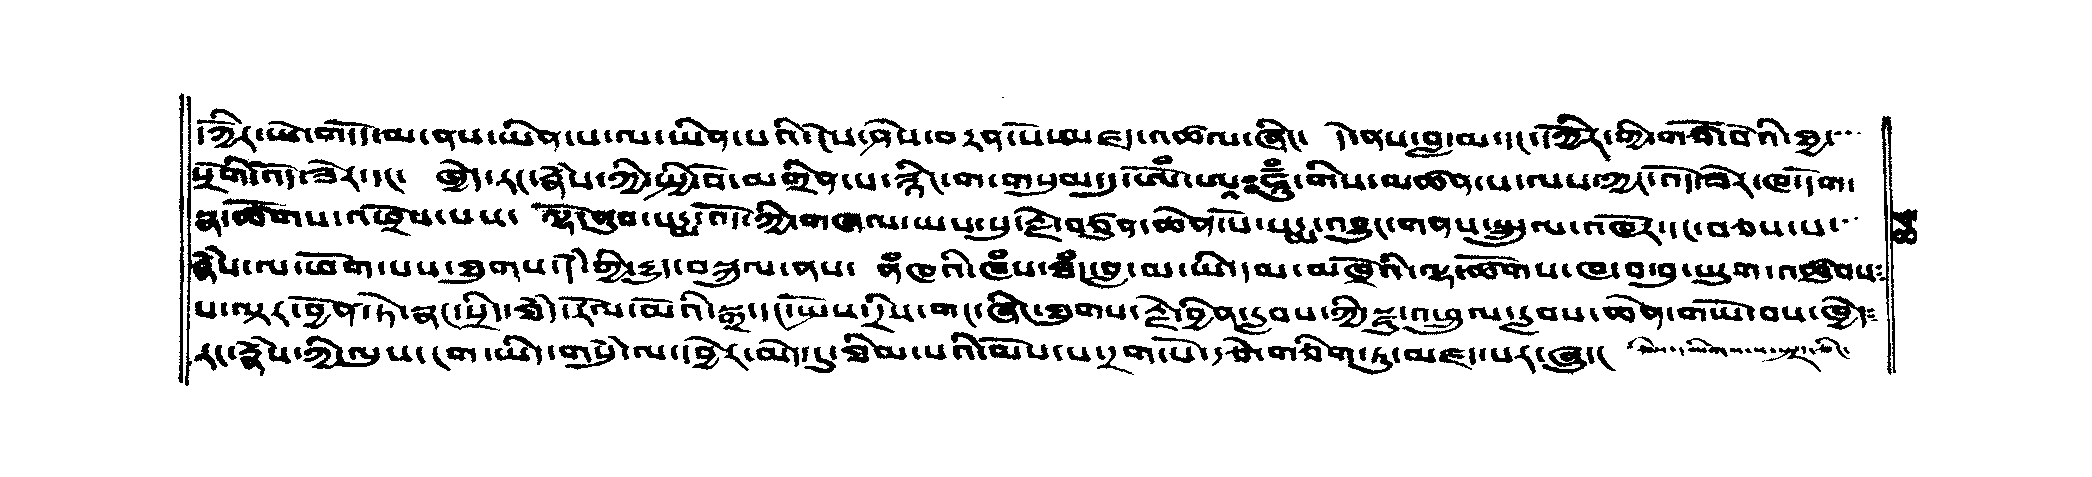དཀྱིལ་འཁོར་ཡེ་གདོད་མ་ནས་ཡིན་པ་ལ་ཡིན་པའི་ངེས་ཤེས་བརྟན་པོ་མཛད་འཚལ་ཞིང་། དེ་ནས་བླ་མ་དང་དཀྱིལ་འཁོར་གྱི་གཙོ་བོའི་ཐུགས་
སྲོག་གི་འོད་ཟེར་དང་། ཁྱེད་རང་རྣམས་ཀྱི་སྤྱི་བོ་མགྲིན་པ་སྙིང་ག་གསུམ་དུ་ཨོྃ་ཨཱ་ཧཱུྃ་གིས་མཚན་པ་ལས་ཀྱང་འོད་ཟཻར་ཁ་དོག་
སྣ་ཚོགས་འཕྲོས་པས། ལྷོ་ནུབ་པདྨོ་ད་ཀྱི་གཞལ་ཡས་སུ་རྗེ་བཙུན་ཆེན་པོ་པདྨ་འབྱུང་གནས་སྤྲུལ་འཁོར་དང་བཅས་པ་
རྣམས་ལ་ཕོག་པས་ཐུགས་དམ་གྱི་རྒྱུད་བསྐུལ་ནས། ནམ་མཁའི་ཁམས་ཐམས་ཅད་བླ་མ་ཡི་དམ་མཁའ་འགྲོའི་ལྷ་ཚོགས་ཁ་བ་བུ་ཡུག་་འཚུབས་
པ་ལྟར་བྱོན་ཏེ་སྣང་སྲིད་ཐམས་ཅད་རོལ་མོའི་སྒྲ་དང་སྤོས་དྲིས་གང་ཞིང་ཐུགས་རྗེ་བྱིན་རླབས་ཀྱི་རྫུ་འཕྲུལ་རླབས་ཆེན་གཡོ་བས་ཁྱེད་
རང་རྣམས་ཀྱི་ལུས་ངག་ཡིད་གསུམ་ལ་དབྱེར་མེད་དུ་ཐིམ་པའི་མོས་པ་དྲག་པོ་རྩེ་གཙིག་ཏུ་མཛད་པར་ཞུ། ཅེས་དམིགས་པ་སྤྲད་ཅིང་